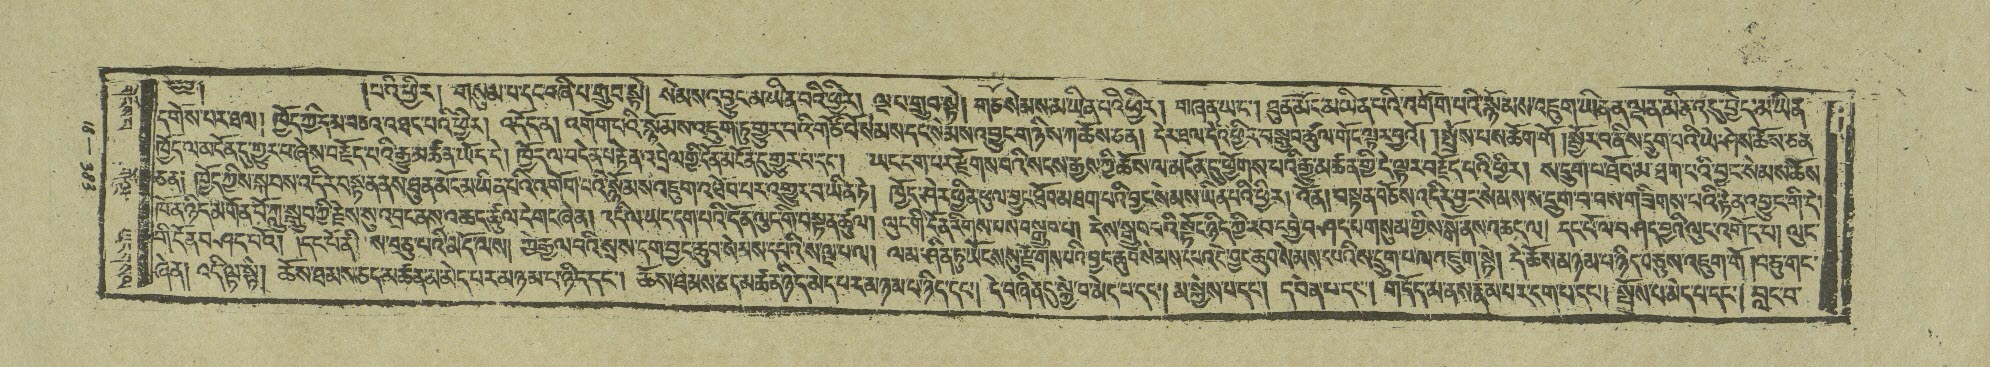༄༅། །པའི་ཕྱིར། གསུམ་པ་དང་བཞི་པ་གྲུབ་སྟེ། སེམས་འབྱུང་མ་ཡིན་པའི་ཕྱིར། ལྔ་པ་གྲུབ་སྟེ། གཙོ་སེམས་མ་ཡིན་པའི་ཕྱིར། གཞན་ཡང་། ཐུན་མོང་མ་ཡིན་པའི་འགོག་པའི་སྙོམས་འཇུག་ཡིན་ན་ལྡན་མིན་འདུ་བྱེད་མ་ཡིན་
དགོས་པར་ཐལ། ཁྱོད་ཀྱི་དམ་བཅའ་འཐད་པའི་ཕྱིར། འདོད་ན། འགོག་པའི་སྙོམས་འཇུག་ཏུ་གྱུར་པའི་གཙོ་བོ་སེམས་དང་སེམས་འབྱུང་གཉིས་ཀ་ཆོས་ཅན། དེར་ཐལ་དེའི་ཕྱིར་བསྒྲུབ་ཚུལ་གོང་ལྟར་བྱའོ། །སྤྲོས་པས་ཆོག་གོ །སྦྱོར་བ་ནི་ས་དྲུག་པའི་ཡེ་ཤེས་ཆོས་ཅན་
ཁྱོད་ལ་མངོན་དུ་གྱུར་བ་ཞེས་བརྗོད་པའི་རྒྱུ་མཚན་ཡོད་དེ། ཁྱོད་ལ་བདེན་པ་རྟེན་འབྲེལ་གྱི་དོན་མངོན་དུ་གྱུར་པ་དང་། ཡང་དག་པར་རྫོགས་པའི་སངས་རྒྱས་ཀྱི་ཆོས་ལ་མངོན་དུ་ཕྱོགས་པའི་རྒྱུ་མཚན་གྱི་དེ་ལྟར་བརྗོད་པའི་ཕྱིར། ས་དྲུག་པ་ཐོབ་མ་ཐག་པའི་བྱང་སེམས་ཆོས་
ཅན། ཁྱོད་ཀྱིས་སྐབས་འདིར་བསྟན་ནས་ཐུན་མོང་མ་ཡིན་པའི་འགོག་པའི་སྙོམས་འཇུག་འཐེབ་པར་འགྱུར་པ་ཡིན་ཏེ། ཁྱོད་ཤེར་ཕྱིན་ཕུལ་བྱུང་ཐོབ་མ་ཐག་པའི་བྱང་སེམས་ཡིན་པའི་ཕྱིར། འོ་ན། བསྟན་བཅོས་འདིར་བྱང་སེམས་ས་དྲུག་པ་བས་གཟིགས་པའི་རྟེན་འབྱུང་གི་དེ་
ཁོ་ན་ཉིད་མགོན་པོ་ཀླུ་སྒྲུབ་ཀྱི་རྗེས་སུ་འབྲང་ནས་འཆད་ཚུལ་དེ་གང་ཞེ་ན། འདི་ལ་ཡང་དག་པའི་དོན་ལུང་གི་བསྟན་ཚུལ། ལུང་གི་དོན་རིགས་པས་བསྒྲུབ་པ། དེས་སྒྲུབ་པའི་སྟོང་ཉིད་ཀྱི་རབ་དབྱེ་བཤད་པ་གསུམ་གྱིས་སྒོ་ནས་འཆད་ལ། དང་པོ་ལ་བཤད་བྱའི་ལུང་འགོད་པ། ལུང་
གི་དོན་བཤད་པའོ། །དང་པོ་ནི། ས་བཅུ་པའི་མདོ་ལས། ཀྱེ་རྒྱལ་བའི་སྲས་དག་བྱང་ཆུབ་སེམས་དཔའི་ས་ལྔ་པ་ལ། ལམ་ཤིན་ཏུ་ཡོངས་སུ་རྫོགས་པའི་བྱང་ཆུབ་སེམས་དཔའི་དེ་བྱང་ཆུབ་སེམས་དཔའི་ས་དྲུག་པ་ལ་འཇུག་སྟེ། དེ་ཆོས་མཉམ་པ་ཉིད་བཅུས་འཇུག་གོ །བཅུ་གང་
ཞེ་ན། འདི་ལྟ་སྟེ། ཆོས་ཐམས་ཅད་མཚན་མ་མེད་པར་མཉམ་པ་ཉིད་དང་། ཆོས་ཐམས་ཅད་མཚན་ཉིད་མེད་པར་མཉམ་པ་ཉིད་དང་། དེ་བཞིན་དུ་སྐྱེ་བ་མེད་པ་དང་། མ་སྐྱེས་པ་དང་། དབེན་པ་དང་། གདོད་མ་ནས་རྣམ་པར་དག་པ་དང་། སྤྲོས་པ་མེད་པ་དང་། བླང་བ་